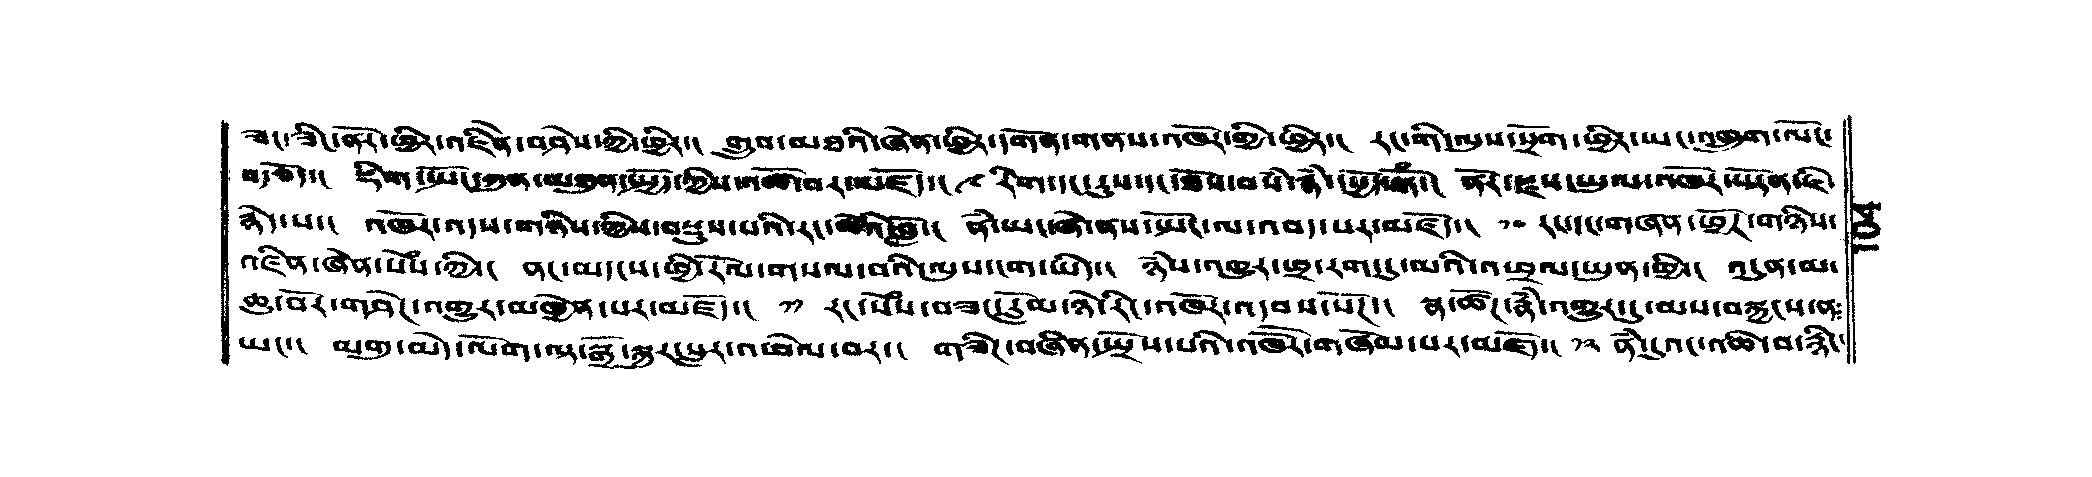ཟང་ཟིང་ནོར་ཕྱིར་འཇིག་རྟེན་བཤེས་ཀྱི་ཕྱིར། །གྲུབ་མཐའི་ཞེན་ཕྱིར་དགོན་གནས་འཁོར་གྱི་ཕྱིར། །རང་གི་ལུས་སྲོག་ཕྱིར་ཡང་འཁྲུག་ལོང་
རྩོད། །སྡིག་སྤོང་ཀུན་མཐུན་སྤྱོད་ཀྱི་འཚོ་བར་མཛོད། རིགས་དང་རུས་དང་ཐོས་བསམ་རྣམ་དཔྱོད་སྒོམ། ནོར་རྫས་ཡུལ་འཁོར་ཡོན་ཏན་ཇི་
རྙེད་པ། འཁོར་འདས་གཉིས་ཀྱིས་བསྡུས་པའི་རང་ཆེའི་བློ། ནམ་ཡང་ཞེས་ནས་སྤོང་ལ་འབད་པར་མཛོད། །རང་དང་གཞན་ཕྱོགས་གཉིས་
འཛིན་ཞེན་སེམས་ཀྱི། །ནང་མདངས་ཕྱི་རོལ་གསལ་བའི་ལུས་ངག་ཡིད། །ཉམས་འགྱུར་ཕྲ་རགས་དུ་མའི་འཕྲལ་ཡུན་གྱི། །འདུན་མ་
ཆུ་བོར་གཤེགས་འགྱུར་མཁྱེན་པར་མཛོད། །རང་སེམས་བཟང་རློམ་ཉེ་རིང་འཁོར་འདབས་སོགས། །སྣ་ཚོགས་རྣམ་འགྱུར་དུ་མས་བསྐྱངས་ན་
ཡང་། །མགུ་མེད་ལོག་ལྟ་སྒྲོ་སྐུར་སླར་འཕེལ་བར། །གཟིགས་བཞིན་སྤྲོས་པའི་འཁོར་ལོ་གཞོམ་པར་མཛོད། །ནམ་དུའང་འཆི་བ་སྙིང་